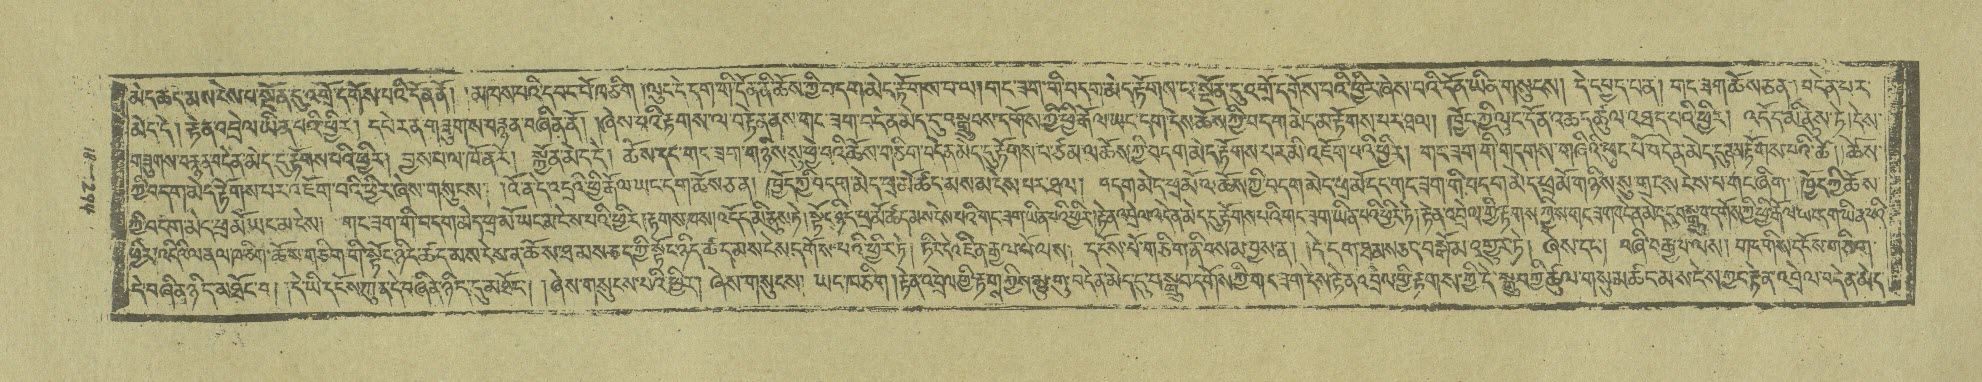མེད་ཚད་མས་ངེས་པ་སྔོན་དུ་འགྲོ་དགོས་པའི་དོན་ནོ། །མཁས་པའི་དབང་པོ་ཁ་ཅིག །ལུང་དེ་དག་གི་དོན་ནི་ཆོས་ཀྱི་བདག་མེད་རྟོགས་པ་ལ། གང་ཟག་གི་བདག་མེད་རྟོགས་པ་སྔོན་དུ་འགྲོ་དགོས་པའི་ཕྱིར་ཞེས་པའི་དོན་ཡིན་གསུངས། དེ་དཔྱད་པ་ན། གང་ཟག་ཆོས་ཅན། བདེན་པར་
མེད་དེ། རྟེན་འབྲེལ་ཡིན་པའི་ཕྱིར། དཔེར་ན་གཟུགས་བརྙན་བཞིན་ནོ། །ཞེས་པའི་རྟགས་ལ་བརྟེན་ནས་གང་ཟག་བདེན་མེད་དུ་བསྒྲུབ་དགོས་ཀྱི་ཕྱི་རྒོལ་ཡང་དག་དེས་ཆོས་ཀྱི་བདག་མེད་མ་རྟོགས་པར་ཐལ། ཁྱོད་ཀྱི་ལུང་དོན་འཆད་ཚུལ་འཐད་པའི་ཕྱིར། འདོད་མི་ནུས་ཏེ། དེས་
གཟུགས་བརྙན་བདེན་མེད་པ་རྟོགས་པའི་ཕྱིར། བྱས་པ་ལ་ཁོ་ན་རེ། སྐྱོན་མེད་དེ། ཆོས་དང་གང་ཟག་གཉིས་སུ་ཕྱེ་བའི་ཆོས་གཅིག་བདེན་མེད་དུ་རྟོགས་པ་ཙམ་ལ་ཆོས་ཀྱི་བདག་མེད་རྟོགས་པར་མི་འཇོག་པའི་ཕྱིར། གང་ཟག་གི་གདགས་གཞིའི་ཕུང་པོ་བདེན་མེད་དུ་མ་རྟོགས་པའི་ཚེ། ཆོས་
ཀྱི་བདག་མེད་རྟོགས་པར་འཇོག་པའི་ཕྱིར་ཞེས་གསུངས། །དོན་དེ་འདྲའི་ཕྱི་རྒོལ་ཡང་དག་ཆོས་ཅན། ཁྱོད་ཀྱི་བདག་མེད་ཕྲ་མོ་ཚད་མས་མ་ངེས་པར་ཐལ། བདག་མེད་ཕྲ་མོ་ལ་ཆོས་ཀྱི་བདག་མེད་ཕྲ་མོ་དང་གང་ཟག་གི་བདག་མེད་ཕྲ་མོ་གཉིས་སུ་གྲངས་ངེས་པ་གང་ཞིག །ཁྱོད་ཀྱི་ཆོས་
ཀྱི་བདག་མེད་ཕྲ་མོ་ཡང་མ་ངེས། གང་ཟག་གི་བདག་མེད་ཕྲ་མོ་ཡང་མ་ངེས་པའི་ཕྱིར། རྟགས་ཁས་འདོད་མི་ནུས་ཏེ། སྟོང་ཉིད་ཕྲ་མོ་ཚད་མས་ངེས་པའི་གང་ཟག་ཡིན་པའི་ཕྱིར། རྟེན་འབྲེལ་བདེན་མེད་དུ་རྟོགས་པའི་གང་ཟག་ཡིན་པའི་ཕྱིར་ཏེ། རྟེན་འབྲེལ་གྱི་རྟགས་ཀྱིས་གང་ཟག་བདེན་མེད་དུ་བསྒྲུབ་དགོས་ཀྱི་ཕྱི་རྒོལ་ཡང་དག་ཡིན་པའི་
ཕྱིར། འདིའི་ལན་ལ་ཁ་ཅིག །ཆོས་གཅིག་གི་སྟོང་ཉིད་ཚད་མས་ངེས་ན་ཆོས་ཐམས་ཅད་ཀྱི་སྟོང་ཉིད་ཚད་མས་ངེས་དགོས་པའི་ཕྱིར་ཏེ། ཏིང་ངེ་འཛིན་རྒྱལ་པོ་ལས། དངོས་པོ་གཅིག་ནི་བསམ་བྱས་ན། །དེ་དག་ཐམས་ཅད་བསྒོམ་འགྱུར་ཏེ། ཞེས་དང་། བཞི་བརྒྱ་པ་ལས། གང་གིས་དངོས་གཅིག་
དེ་བཞིན་ཉིད་མཐོང་བ། །དེ་ཡི་དངོས་ཀུན་དེ་བཞིན་ཉིད་དུ་མཐོང་། །ཞེས་གསུངས་པའི་ཕྱིར། ཞེས་གསུངས། ཡང་ཁ་ཅིག །རྟེན་འབྲེལ་གྱི་རྟགས་ཀྱིས་མྱུ་གུ་བདེན་མེད་དུ་བསྒྲུབ་དགོས་ཀྱི་གང་ཟག་དེས་རྟེན་འབྲེལ་གྱི་རྟགས་ཀྱི་དེ་སྒྲུབ་ཀྱི་ཚུལ་གསུམ་ཚང་མས་ངེས་ཀྱང་རྟེན་འབྲེལ་བདེན་མེད་